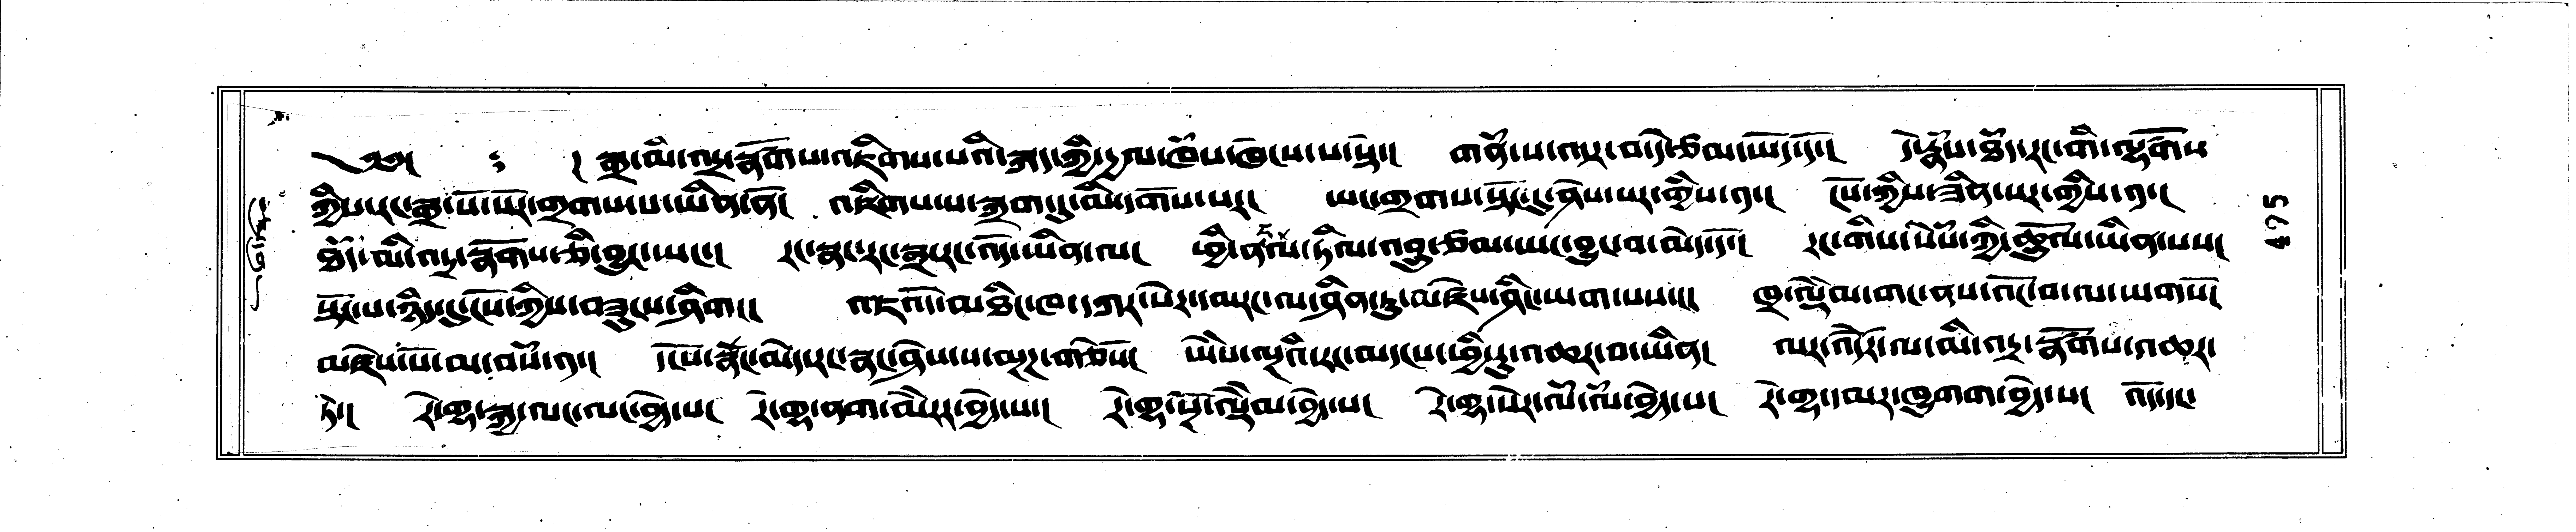སྒྲ་མི་འདྲ་བ་སྣ་ཚོགས་འཇིགས་‘‘པའི”སྐད་རྒྱང་གིས་རྒྱལ་ཁམས་ཁེངས་པ་སྟེ། གནམ་ས་འདར་བ་ཙམ་ཡོད་དོ། དེ་རྣམས་རང་གིས་ལྷ་ཚོགས་
ཀྱི་རང་སྒྲ་སོ་སོར་གྲགས་པ་ཡིན་ནོ། འཇིགས་པ་དང་སྐྲགས་སུ་མི་དགོས་པར་སྒྲ་སྟོང་དུ་ཤེས་པར་གྱིས་ཤིག ངོས་ཀྱིས་ཟིན་པར་གྱིས་ཤིག 
ཐམས་ཅད་མི་འདྲ་བ་སྣ་ཚོགས་ཅི་བྱུང་ཡང་། རང་སྣང་རང་སྒྲ་རང་འོད་མེན་པས། ཕྱི་ན་ཏིལ་འབྲུ་ཙམ་ཡང་འབྱུང་བ་མེད་དོ། རང་གིས་སེམས་ཀྱིས་ཆོ་འཕྲུལ་ཡིན་པས།
 སྟོང་པ་ཉིད་དུ་ངོས་ཀྱིས་ཟུང་ཅིག གཞའ་འོད་མཐིང་ཀ་དཀར་སེར་དམར་ལྗང་ལ། ཤིན་ཏུ་མཛེས་ཤིང་ཡག་པ། ཁྲ་ལྟེམ་ལྟེམ་གང་ནས་འོང་པ་ལ། ཡགས་སོ་
མཛེས་སོ་མ་བསམ་ཅིག དངོས་མེད་རང་སྣང་དུ་ངོ་ཤེས་པའི་མེན་ངག་གཅེས་སོ། ཡེ་ཤེས་ལྔའི་རང་ལྡང་‘‘མདངས”ཕྱི་རུ་འཆར་བ་ཡིན་ནོ། ལར་འོད་ཟེར་ལ་མི་འདྲ་བ་སྣ་ཚོགས་འཆར་
ཏེ། རེས་གྷས་(འགས)་སྐྱ་ལོང་ལོང་བྱེད་པ། རེས་གྷས་(འགས)་ནག་མེར་མེར་བྱེད་པ། རེས་གྷས་(འགས)་སྔོ་ལྟེམ་ལྟེམ་བྱེད་པ། རེས་གྷས་(འགས)་སེར་ལམ་ལམ་བྱེད་པ། རེས་གྷས་(འགས)་དམར་ཁྱུག་ཁྱུག་བྱེད་པ། འོད་དང་